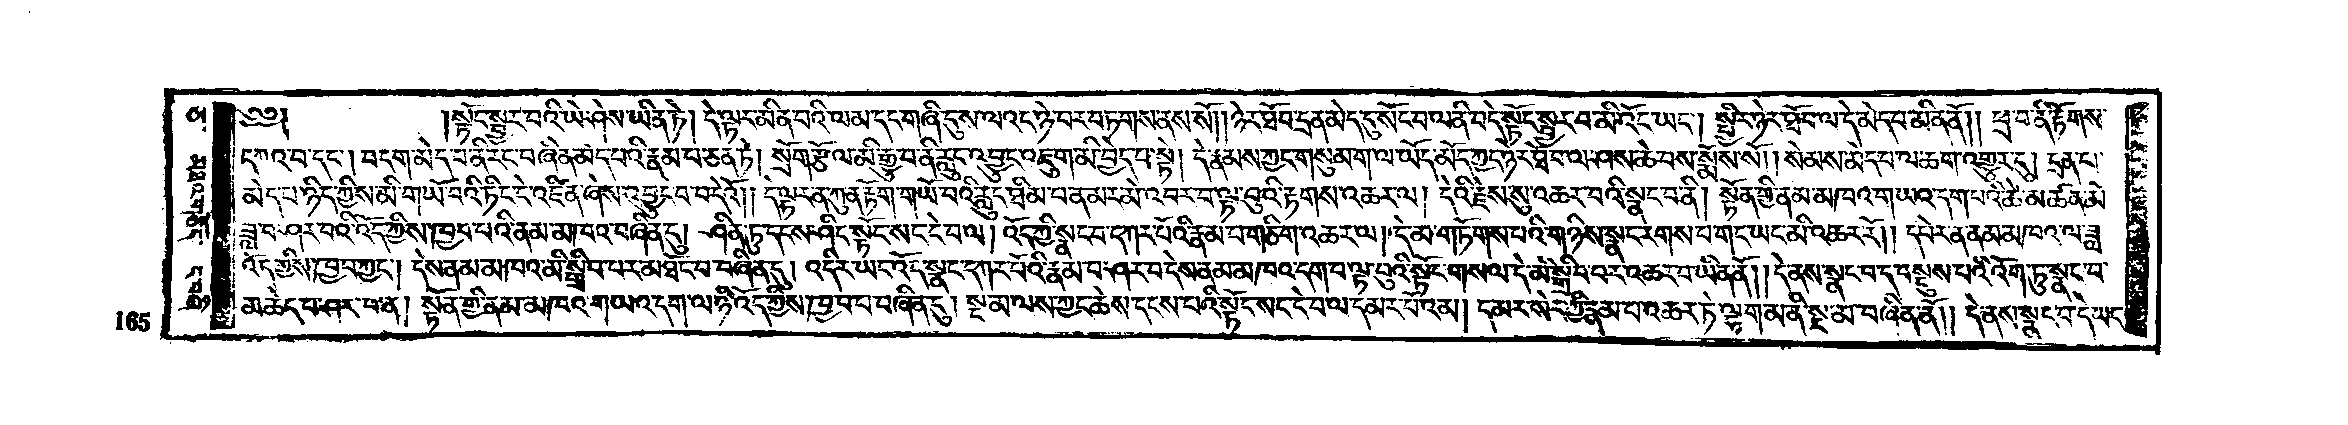༄༅། །སྟོང་སྦྱར་བའི་ཡེ་ཤེས་ཡིན་ཏེ། དེ་ལྟར་མིན་པའི་ལམ་དང་གཞི་དུས་ལའང་ཉེ་བར་བཏགས་ནས་སོ། །ཉེར་ཐོབ་དྲན་མེད་དུ་སོང་བ་ལ་ནི་བདེ་སྟོང་སྦྱར་བ་མི་འོང་ཡང་། སྤྱིར་ཉེར་ཐོབ་ལ་དེ་མེད་པ་མིན་ནོ། །ཕྲ་བ་ནི་རྟོགས་
དཀའ་བ་དང་། བདག་མེད་པ་ནི་རང་བཞིན་མེད་པའི་རྣམ་པ་ཅན་ཏེ། སྲོག་རྩོལ་མི་རྒྱུ་བ་ནི་རླུང་འབྱུང་འཇུག་མི་བྱེད་པ་སྟེ། དེ་རྣམས་ཀྱང་གསུམ་ག་ལ་ཡོད་མོད་ཀྱང་ཉེར་ཐོབ་ལ་ཤས་ཆེ་བས་སྨོས་སོ། །སེམས་མེད་པ་ལ་ཆག་འགྱུར་དུ། དྲན་པ་
མེད་པ་ཉིད་ཀྱིས་མི་གཡོ་བའི་ཏིང་ངེ་འཛིན་ཞེས་འབྱུང་བ་བདེའོ། །དེ་ལྟར་ན་ཀུན་རྟོག་གཡོ་བའི་རླུང་ཐིམ་པ་ན་མར་མེ་འབར་བ་ལྟ་བུའི་རྟགས་འཆར་ལ། དེའི་རྗེས་སུ་འཆར་བའི་སྣང་བ་ནི། སྟོན་གྱི་ནམ་མཁའ་གཡའ་དག་པའི་ཚེ་མཚན་མེ་
ཟླ་བ་ཤར་བའི་འོད་ཀྱིས་ཁྱབ་པའི་ནམ་མཁའ་བཞིན་དུ། ཤིན་ཏུ་དངས་ཤིང་སྟོང་སང་ངེ་བ་ལ། འོད་ཀྱི་སྣང་བ་དཀར་པོའི་རྣམ་པ་གཅིག་འཆར་ལ། དེ་མ་གཏོགས་པའི་གཉིས་སྣང་རགས་པ་གང་ཡང་མི་འཆར་རོ། །དཔེར་ན་ནམ་མཁའ་ལ་ཟླ་
འོད་ཀྱིས་ཁྱབ་ཀྱང་། དེས་ནམ་མཁའ་མི་སྒྲིབ་པར་མཐོང་བ་བཞིན་དུ། འདིར་ཡང་འོད་སྣང་དཀར་པོའི་རྣམ་པ་ཤར་བ་དེས་ནམ་མཁའ་དག་པ་ལྟ་བུའི་སྟོང་གསལ་དེ་མི་སྒྲིབ་པར་འཆར་བ་ཡིན་ནོ། །དེ་ནས་སྣང་བ་དེ་བསྡུས་པའི་འོག་ཏུ་སྣང་བ་
མཆེད་པ་ཤར་བ་ན། སྟོན་གྱི་ནམ་མཁའ་གཡའ་དག་ལ་ཉི་འོད་ཀྱིས་ཁྱབ་པ་བཞིན་དུ། སྔ་མ་ལས་ཀྱང་ཆེས་དངས་པའི་སྟོང་སང་དེ་བ་ལ་དམར་པོ་འམ། དམར་སེར་གྱི་རྣམ་པ་འཆར་ཏེ་ལྷག་མ་ནི་སྔ་མ་བཞིན་ནོ། །དེ་ནས་སྣང་བ་དེ་ཡང་